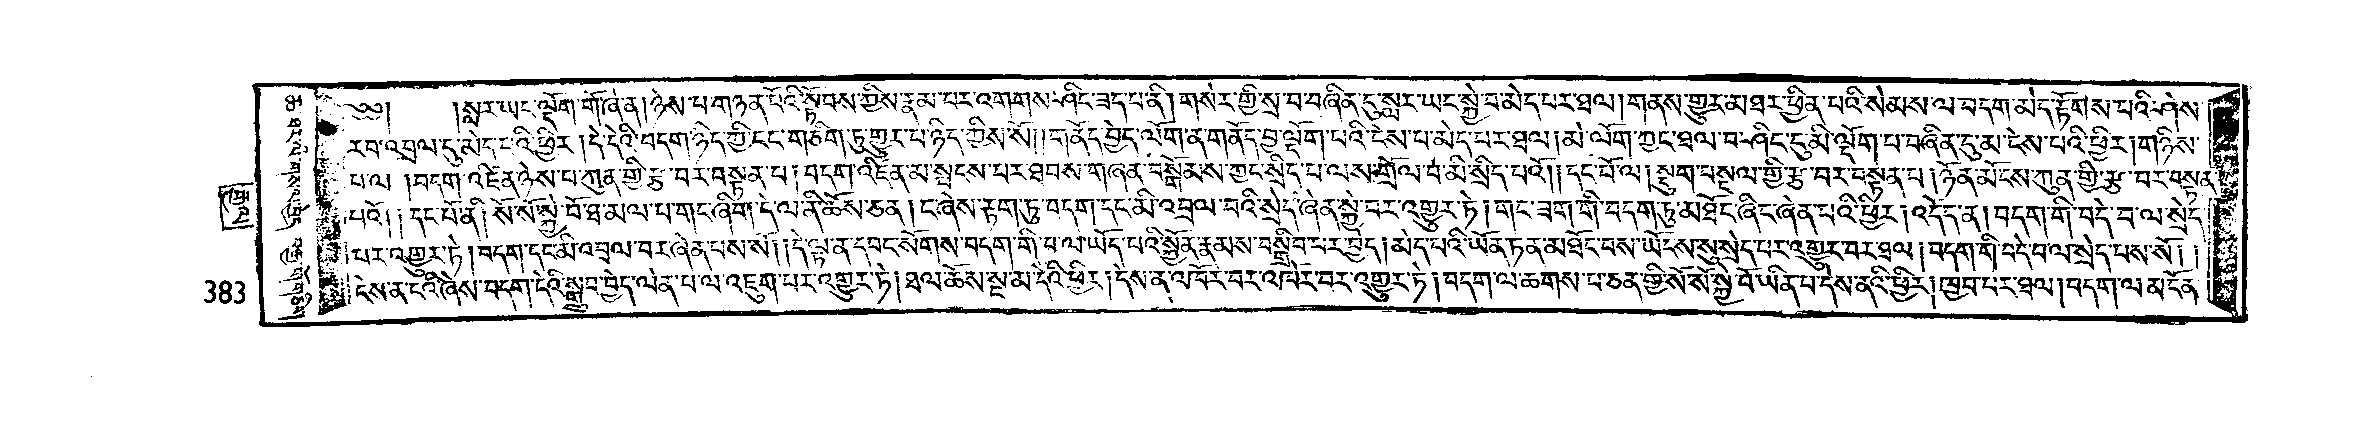༄༅། །སླར་ཡང་ལྡོག་གོ་ཞེ་ན། ཉེས་པ་གཉན་པོའི་སྟོབས་ཀྱིས་རྣམ་པར་འགགས་ཤིང་ཟད་པ་ནི། གསེར་གྱི་སྲ་བ་བཞིན་དུ་སླར་ཡང་སྐྱེ་བ་མེད་པར་ཐལ། གནས་གྱུར་མཐར་ཕྱིན་པའི་སེམས་ལ་བདག་མེད་རྟོགས་པའི་ཤེས་
རབ་འབྲལ་དུ་མེད་པའི་ཕྱིར། དེ་དེའི་བདག་ཉིད་ཀྱི་ངང་གཅིག་ཏུ་གྱུར་པ་ཉིད་ཀྱིས་སོ། །གནོད་བྱེད་ལོག་ན་གནོད་བྱ་ལྡོག་པའི་ངེས་པ་མེད་པར་ཐལ། མེ་ལོག་ཀྱང་ཐལ་བ་ཤིང་དུ་མི་ལྡོག་པ་བཞིན་དུ་མ་ངེས་པའི་ཕྱིར། གཉིས་
པ་ལ་།བདག་འཛིན་ཉེས་པ་ཀུན་གྱི་རྩ་བར་བསྟན་པ། བདག་འཛིན་མ་སྤངས་པར་ཐབས་གཞན་བསྒོམས་ཀྱང་སྲིད་པ་ལས་གྲོལ་བ་མི་སྲིད་པའོ། །དང་པོ་ལ། སྡུག་བསྔལ་གྱི་རྩ་བར་བསྟན་པ། ཉོན་མོངས་ཀུན་གྱི་རྩ་བར་བསྟན་
པའོ། །དང་པོ་ནི། སོ་སོ་སྐྱེ་བོ་ཐ་མལ་པ་གང་ཞིག་དེ་ལ་ནི་ཆོས་ཅན། ང་ཞེས་རྟག་ཏུ་བདག་དང་མི་འབྲལ་བའི་སྲེད་ཞེན་སྐྱེ་བར་འགྱུར་ཏེ། གང་ཟག་གི་བདག་ཏུ་མཐོང་ཞིང་ཞེན་པའི་ཕྱིར། འདོད་ན། བདག་གི་བདེ་བ་ལ་སྲེད་
པར་འགྱུར་ཏེ། བདག་དང་མི་འབྲལ་བར་ཞེན་པས་སོ། །དེ་ལྟ་ན་དབང་སོགས་བདག་གི་བ་ལ་ཡོད་པའི་སྐྱོན་རྣམས་བསྒྲིབ་པར་བྱེད། མེད་པའི་ཡོན་ཏན་མཐོང་བས་ཡོངས་སུ་སྲེད་པར་འགྱུར་བར་ཐལ། བདག་གི་བདེ་བ་ལ་སྲེད་པས་སོ། །
དེས་ན་ངའི་ཞེས་བདག་དེའི་སྒྲུབ་བྱེད་ལེན་པ་ལ་འཇུག་པར་འགྱུར་ཏེ། ཐལ་ཆོས་སྔ་མ་དེའི་ཕྱིར། དེས་ན་འཁོར་བར་འཁོར་བར་འགྱུར་ཏེ། བདག་ལ་ཆགས་པ་ཅན་གྱི་སོ་སོ་སྐྱེ་བོ་ཡིན་པ་དེས་ནའི་ཕྱིར། ཁྱབ་པར་ཐལ། བདག་ལ་མངོན་